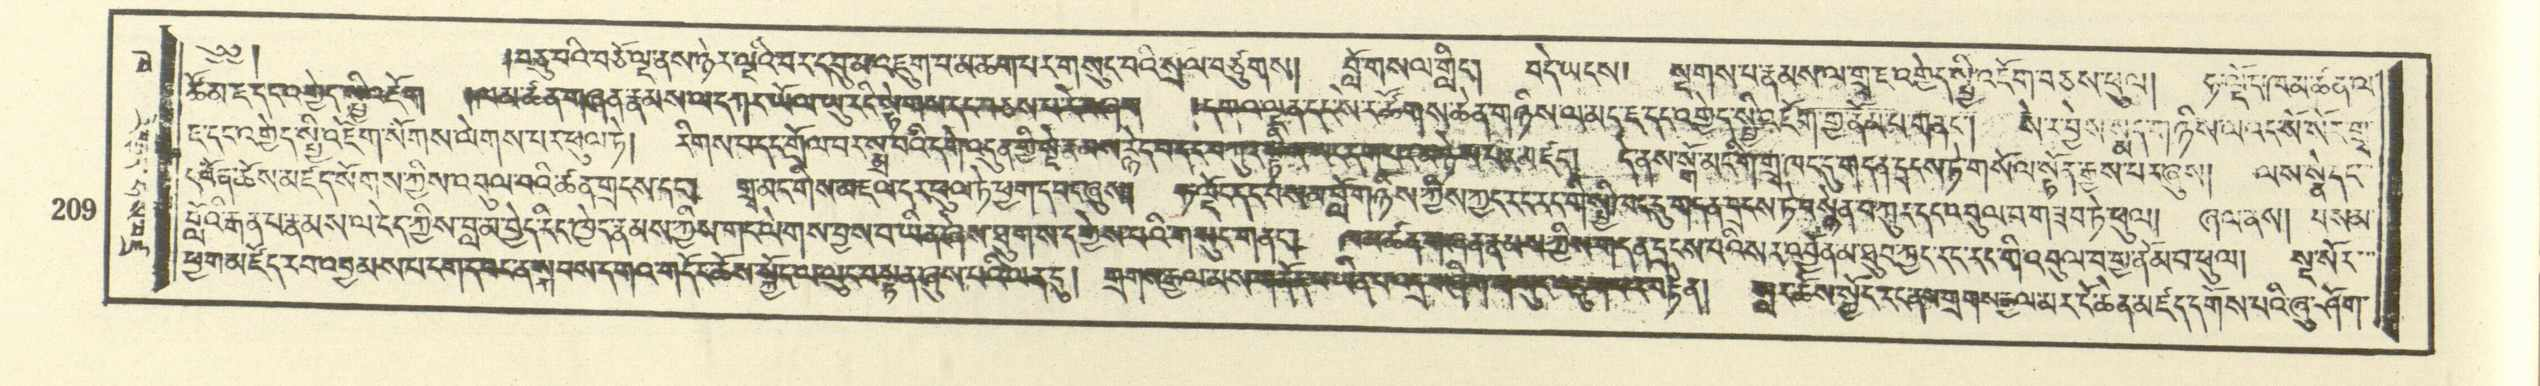༄༅། །བཅུ་པའི་བཅོ་ལྔ་ནས་ཉེར་ལྔའི་བར་དབུ་མ་འཇུག་པ་མ་ཆག་པར་གསུང་བའི་སྲོལ་བཙུགས། བློ་གསལ་གླིང་། བདེ་ཡངས། སྔགས་པ་རྣམས་ལ་གྲྭ་ཇ་འགྱེད་སྤྱི་འཇོག་བཅས་ཕུལ། ཧ་ལྡོང་ཁམ་ཚན་ལ་
ཚོམ་ཇ་དང་འགྱེད་སྤྱི་འཇོག །ཁམ་ཚན་གཞན་རྣམས་ལ་དཀར་ཡོལ་ཡུ་རིང་སྟེགས་དང་བཅས་པ་རེ་བཞག །དགའ་ལྡན་དང་སེ་ར་ཚོགས་ཆེན་གཉིས་ལ་མང་ཇ་དང་འགྱེད་སྤྱི་འཇོག་གྱ་ནོམ་པ་གནང་། སེ་ར་བྱེས་སྨད་གཉིས་ལའང་སོ་སོར་གྲྭ་
ཇ་དང་འགྱེད་སྤྱི་འཇོག་སོགས་ལེགས་པར་ཕུལ་ཏེ། རིགས་པ་དང་གྲོལ་བར་སྨྲ་བའི་དགེ་འདུན་གྱི་སྡེ་རྣམས་རྙེད་པ་དང་བཀུར་སྟིམ་ཡང་དག་པར་མཉེས་པར་མཛད། དེ་ནས་སྒོ་མང་གི་གྲྭ་ཁང་དུ་གདན་དྲངས་ཏེ་གསོལ་སྟོན་རྒྱས་པར་ཞུས། ལས་སྣེ་དང་
དཔོན་ཆོས་མཛད་སོགས་ཀྱིས་འབུལ་བའི་ཚན་གྲངས་དང་། གྲྭ་མང་གིས་མཇལ་དར་ཕུལ་ཏེ་ཕྱག་དབང་ཞུས། ཧ་ལྡོང་དང་བསམ་བློ་གཉིས་ཀྱིས་ཀྱང་རང་རང་གི་སྤྱི་ཁང་དུ་གདན་དྲངས་ཏེ་བསྙེན་བཀུར་དང་འབུལ་བ་གཟབ་ཏེ་ཕུལ། ཞལ་ནས། བསམ་
བློའི་རྒན་པ་རྣམས་ལ་ངེད་ཀྱིས་བླ་མ་བྱེད་རིང་ཁྱེད་རྣམས་ཀྱིས་གང་ལེགས་བྱས་པ་ཡིན་ཞེས་ཐུགས་དགྱེས་པའི་གསུང་གནང་། ཁམ་ཚན་གཞན་རྣམས་ཀྱིས་གདན་དྲངས་པའི་སར་འབྱོན་མ་ཐུབ་ཀྱང་རང་རང་གི་འབུལ་བ་གྱ་ནོམ་པ་ཕུལ། སྔ་སོར་
ཕྱག་མཛོད་རབ་འབྱམས་པ་ངག་དབང་ན་སྐབས་དགའ་གདོང་ཆོས་སྐྱོང་ལ་ལུང་བསྟན་ཞུས་པའི་ལན་དུ། གྲགས་རྒྱལ་མས་གནོད་པ་ཡིན་པ་འདྲ་བ་ཞིག་གསུང་འདུག་པར་བརྟེན། སླར་ཆོས་སྐྱོང་རང་ནས་གྲགས་རྒྱལ་མར་དོ་ཆེན་མཛད་དགོས་པའི་ཞུ་ཤོག་